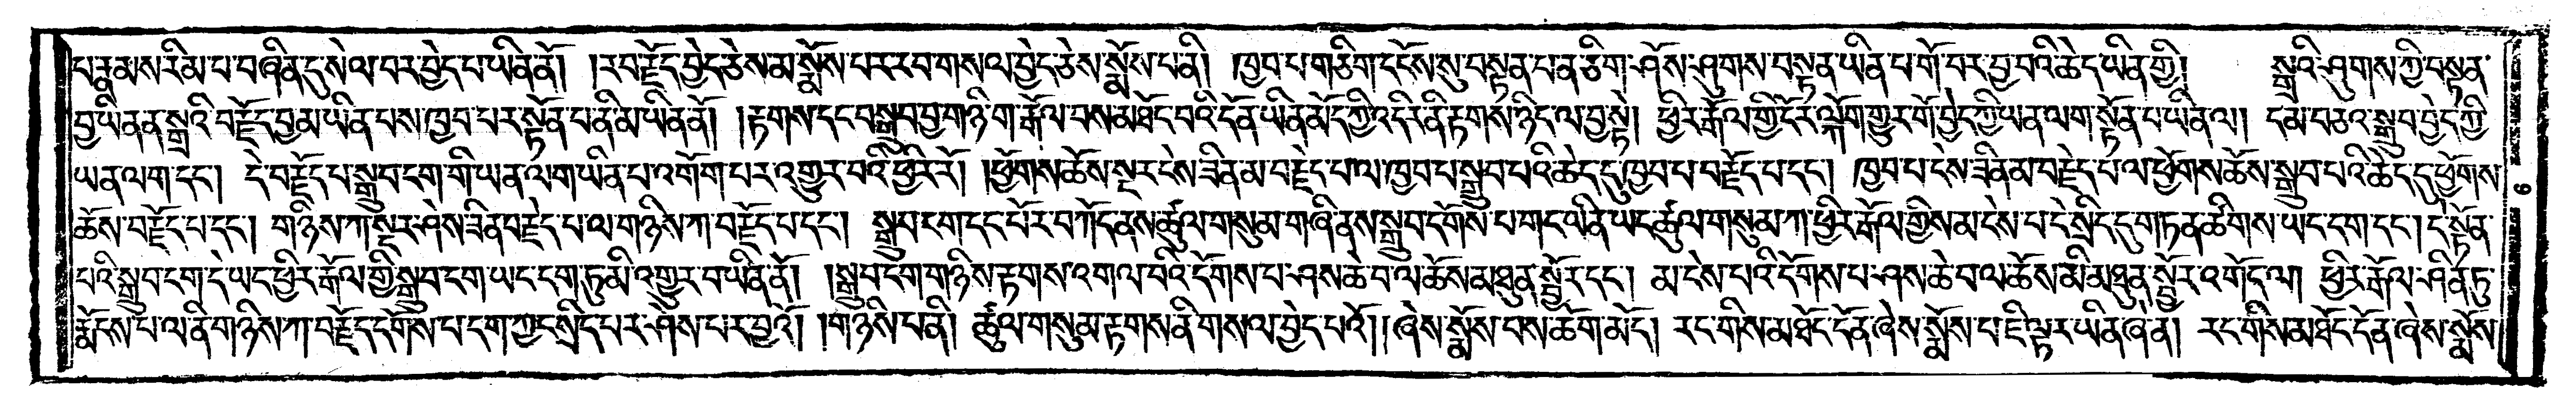པ་རྣམས་རིམ་པ་བཞིན་དུ་སེལ་བར་བྱེད་པ་ཡིན་ནོ། །རབ་རྗོད་བྱེད་ཅེས་མ་སྨོས་པར་རབ་གསལ་བྱེད་ཅེས་སྨོས་པ་ནི། ཁྱབ་པ་གཅིག་དངོས་སུ་བསྟན་པ་ན་ཅིག་ཤོས་ཤུགས་བསྟན་ཡིན་པ་གོ་བར་བྱ་བའི་ཆེད་ཡིན་གྱི། སྒྲའི་ཤུགས་ཀྱི་བསྟན་
བྱ་ཡིན་ན་སྒྲའི་བརྗོད་བྱ་མ་ཡིན་པས་ཁྱབ་པར་སྟོན་པ་ནི་མ་ཡིན་ནོ། །རྟགས་དང་བསྒྲུབ་བྱ་གཉི་ག་རྒོལ་བས་མཐོང་བའི་དོན་ཡིན་མོད་ཀྱི་འདིར་ནི་རྟགས་ཉིད་ལ་བྱ་སྟེ། ཕྱིར་རྒོལ་གྱི་དོར་ལྐོག་གྱུར་གོ་བྱེད་ཀྱི་ཡན་ལག་སྟོན་པ་ཡིན་ལ། དམ་བཅའ་སྒྲུབ་བྱེད་ཀྱི་
ཡན་ལག་དང་། དེ་བརྗོད་པ་སྒྲུབ་དག་གི་ཡན་ལག་ཡིན་པ་འགོག་པར་འགྱུར་བའི་ཕྱིར་རོ། །ཕྱོགས་ཆོས་སྔར་ངེས་ཟིན་མ་བརྗོད་པ་ལ་ཁྱབ་པ་སྒྲུབ་པའི་ཆེད་དུ་ཁྱབ་པ་བརྗོད་པ་དང་། ཁྱབ་པ་ངེས་ཟིན་མ་བརྗེད་པ་ལ་ཕྱོགས་ཆོས་སྒྲུབ་པའི་ཆེད་དུ་ཕྱོགས་
ཆོས་བརྗོད་པ་དང་། གཉིས་ཀ་སྔར་ཤེས་ཟིན་བརྗོད་པ་ལ་གཉིས་ཀ་བརྗོད་པ་དང་། སྒྲུབ་ངག་དང་པོར་བཀོད་ནས་ཚུལ་གསུམ་གཞི་ནས་སྒྲུབ་དོགས་པ་གང་ཡིན་ཡང་ཚུལ་གསུམ་ཀ་ཕྱིར་རྒོལ་གྱིས་མ་ངེས་པ་དེ་སྲིད་དུ་གཏན་ཚིགས་ཡང་དག་དང་། དེ་སྟོན་
པའི་སྒྲུབ་ངག་དེ་ཡང་ཕྱིར་རྒོལ་གྱི་སྒྲུབ་ངག་ཡང་དག་ཏུ་མི་འགྱུར་བ་ཡིན་ནོ། །སྒྲུབ་ངག་གཉིས་རྟགས་འགལ་བའི་དོགས་པ་ཤས་ཆེ་བ་ལ་ཆོས་མཐུན་སྦྱོར་དང་། མ་ངེས་པའི་དོགས་པ་ཤས་ཆེ་བ་ལ་ཆོས་མི་མཐུན་སྦྱོར་འགོད་ལ། ཕྱིར་རྒོལ་ཤིན་ཏུ་
རྨོངས་པ་ལ་ནི་གཉིས་ཀ་བརྗོད་དགོས་པ་དག་ཀྱང་སྲིད་པར་ཤེས་པར་བྱའོ། །གཉིས་པ་ནི། ཚུལ་གསུམ་རྟགས་ནི་གསལ་བྱེད་པའོ། །ཞེས་སྨོས་བས་ཆོག་མོད། རང་གིས་མཐོང་དོན་ཞེས་སྨོས་པ་ཇི་ལྟར་ཡིན་ཞེ་ན། རང་གིས་མཐོང་དོན་ཞེས་སྨོས་